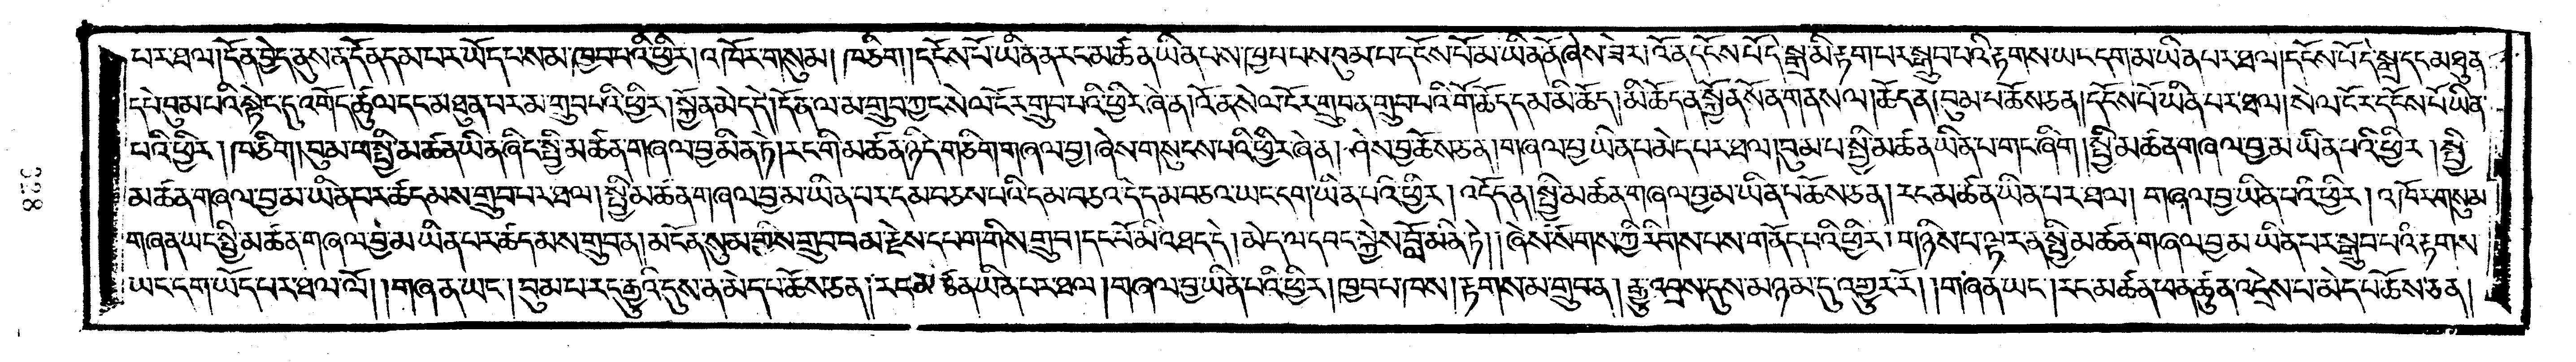པར་ཐལ། དོན་བྱེད་ནུས་ན་དོན་དམ་པར་ཡོད་པས་མ་ཁྱབ་པའི་ཕྱིར། འཁོར་གསུམ། ཁ་ཅིག །དངོས་པོ་ཡིན་ན་རང་མཚན་ཡིན་པས་ཁྱབ་པས་བུམ་པ་དངོས་པོ་མ་ཡིན་ནོ་ཞེས་ཟེར། འོ་ན་དངོས་པོ་དེ་སྒྲ་མི་རྟག་པར་སྒྲུབ་པའི་རྟགས་ཡང་དག་མ་ཡིན་པར་ཐལ། དངོས་པོ་དེ་སྒྲ་དང་མཐུན་
དཔེ་བུམ་པའི་སྟེང་དུ་འགོད་ཚུལ་དང་མཐུན་པར་མ་གྲུབ་པའི་ཕྱིར། སྐྱོན་མེད་དེ། དོན་ལ་མ་གྲུབ་ཀྱང་སེལ་ངོར་གྲུབ་པའི་ཕྱིར་ཞེ་ན། འོ་ན་སེལ་ངོར་གྲུབ་ན་གྲུབ་པའི་གོ་ཆོད་དམ་མི་ཆོད། མི་ཆོད་ན་སྐྱོན་སོན་གནས་ལ། ཆོད་ན། བུམ་པ་ཆོས་ཅན། དངོས་པོ་ཡིན་པར་ཐལ། སེལ་ངོར་དངོས་པོ་ཡིན་
པའི་ཕྱིར། ཁ་ཅིག་བུམ་པ་སྤྱི་མཚན་ཡིན་ཞིང་སྤྱི་མཚན་གཞལ་བྱ་མིན་ཏེ། རང་གི་མཚན་ཉིད་གཅིག་གཞལ་བྱ། ཞེས་གསུངས་པའི་ཕྱིར་ཞེ་ན། ཤེས་བྱ་ཆོས་ཅན། གཞལ་བྱ་ཡིན་པ་མེད་པར་ཐལ། བུམ་པ་སྤྱི་མཚན་ཡིན་པ་གང་ཞིག །སྤྱི་མཚན་གཞལ་བྱ་མ་ཡིན་པའི་ཕྱིར་སྤྱི་
མཚན་གཞལ་བྱ་མ་ཡིན་པར་ཚད་མས་གྲུབ་པར་ཐལ། སྤྱི་མཚན་གཞལ་བྱ་མ་ཡིན་པར་དམ་བཅས་པའི་དམ་བཅའ་དེ་དམ་བཅའ་ཡང་དག་ཡིན་པའི་ཕྱིར། འདོད་ན། སྤྱི་མཚན་གཞལ་བྱ་མ་ཡིན་པ་ཆོས་ཅན། རང་མཚན་ཡིན་པར་ཐལ། གཞལ་བྱ་ཡིན་པའི་ཕྱིར། འཁོར་གསུམ་
གཞན་ཡང་སྤྱི་མཚན་གཞལ་བྱ་མ་ཡིན་པར་ཚད་མས་གྲུབ་ན། མངོན་སུམ་གྱིས་གྲུབ་པ་མ་རྗེས་དཔག་གིས་གྲུབ། དང་པོ་མི་འཐད་དེ། མེད་ལ་དབང་སྐྱེས་བློ་མིན་ཏེ། །ཞེས་སོགས་ཀྱི་རིགས་པས་གནོད་པའི་ཕྱིར། གཉིས་པ་ལྟར་ན་སྤྱི་མཚན་གཞལ་བྱ་མ་ཡིན་པར་སྒྲུབ་པའི་རྟགས་
ཡང་དག་ཡོད་པར་ཐལ་ལོ། །གཞན་ཡང་། བུམ་པ་རང་རྒྱུའི་དུས་ན་མེད་པ་ཆོས་ཅན། རང་མཚན་ཡིན་པར་ཐལ། གཞལ་བྱ་ཡིན་པའི་ཕྱིར། ཁྱབ་པ་ཁས། རྟགས་མ་གྲུབ་ན། རྒྱུ་འབྲས་དུས་མཉམ་དུ་འགྱུར་རོ། །གཞན་ཡང་། རང་མཚན་ཕན་ཚུན་འདྲེས་པ་མེད་པ་ཆོས་ཅན།